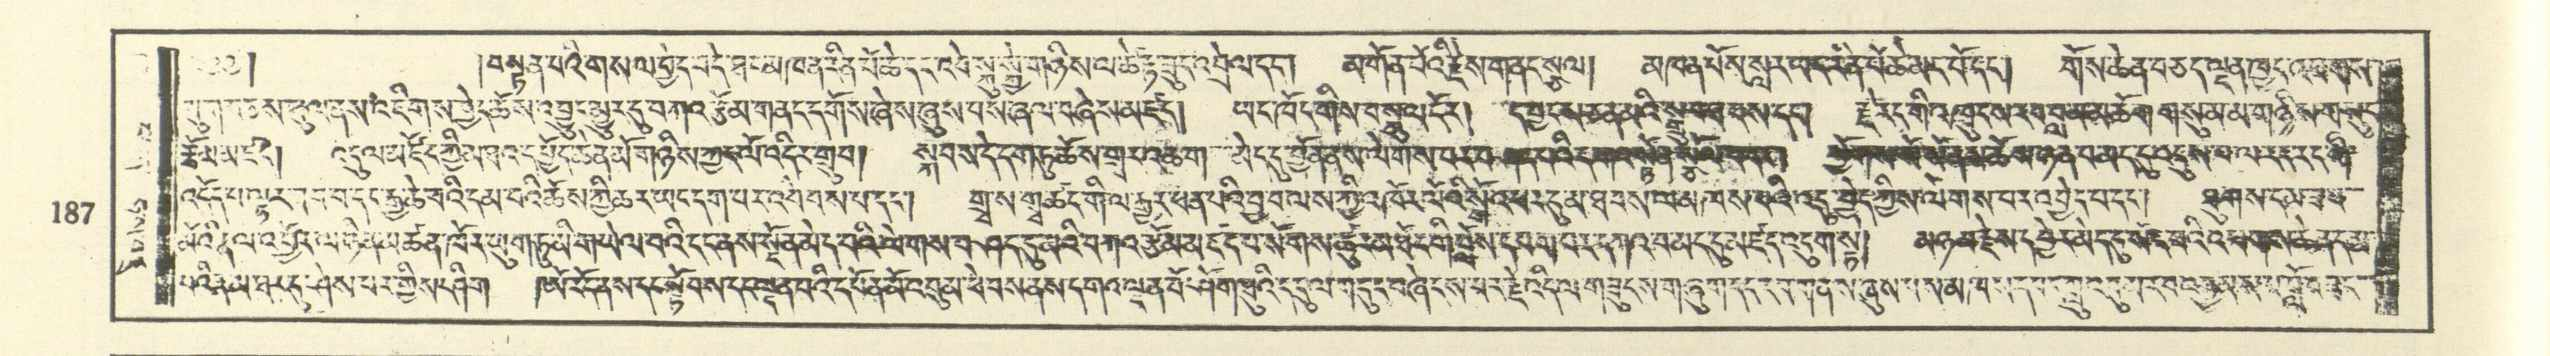༄༅། །བསྟན་པའི་གསལ་བྱེད་བདེ་ཐང་མཁན་རིན་པོ་ཆེ་དང་འབེ་སྐུ་སྐྱེ་གཉིས་ལ་ཚེ་རྟ་ཟུད་འབྲེལ་དང་། མགོན་པོའི་རྗེས་གནང་སྩལ། མཁན་པོས་སླར་ཡང་རིན་པོ་ཆེ་མང་པོ་དང་། གོས་ཆེན་བཅད་ལྡན་ཁྱད་འཕགས་
ཡུག་བཅས་ཕུལ་ནས་འཇིགས་བྱེད་ཆོས་འབྱུང་མྱུར་དུ་བཀའ་རྩོམ་གནང་དགོས་ཞེས་ཞུས་པས་ཞལ་བཞེས་མཛད། ཡང་ཁོང་གིས་བསྐུལ་དོར། དབྱངས་ཅན་མའི་སྒྲུབ་ཐབས་དང་། རྗེ་རང་གི་འཁྲུངས་རབ་བླ་མ་མཆོག་གསུམ་མ་གཉིས་གསུང་
རྩོམ་མཛད། འདུལ་མཛོད་ཀྱི་མཐའ་དཔྱོད་ཆེན་མོ་གཉིས་ཀྱང་ལོ་འདིར་གྲུབ། སྐབས་དེ་དག་ཏུ་ཆོས་གྲྭར་འཆག་མེད་དུ་བྱོན་ནས་ལེགས་པར་བཤད་པའི་དགའ་སྟོན་སྩོལ་བ་དང་། ཕྱོགས་སོ་སོ་ནས་ཆོས་ཉན་པ་མད་དུ་འདུས་པ་ལ་རང་རང་གི་
འདོད་པ་ལྟར་ཟབ་པ་དང་རྒྱ་ཆེ་བའི་དམ་པའི་ཆོས་ཀྱི་ཆར་ཡང་དག་པར་འབེབས་པ་དང་། གྲྭ་ས་གྲྭ་ཚང་གི་ལ་རྒྱར་ཕན་པའི་བྱ་བ་ལས་ཀྱི་འཁོར་ལོའི་སྒོ་འཕར་དུ་མ་ཐབས་ལ་མཁས་པའི་འདུ་བྱེད་ཀྱིས་ལེགས་པར་འབྱེད་པ་དང་། ཐུགས་དམ་ཟབ་
མོའི་རྣལ་འབྱོར་ལ་ཉིན་མཚན་ཁོར་ཡུག་ཏུ་མི་གཡེལ་བའི་དང་ནས་སྔོན་མེད་པའི་ལེགས་བཤད་དུ་མའི་བཀའ་རྩོམ་མཛད་པ་སོགས་ཚུར་མཐོང་གི་བློས་དཔག་པར་དཀའ་བ་མང་དུ་མཛད་འདུག་སྟེ། མཉམ་རྗེས་དབྱེར་མེད་དུ་སོང་བའི་འཕགས་ཆེན་དམ་
པའི་རྣམ་ཐར་དུ་ཤེས་པར་གྱིས་ཤིག །ཨོ་རོད་ནས་དང་སྟོབས་དང་ལྡན་པའི་དཔོན་མོ་འབུམ་ཕེབས་ནས་དགའ་ལྡན་པོ་ཤོག་ཐུའི་དངུལ་གདུང་བཞེངས་པར་རྗེ་འདི་ལ་གཟུངས་གཞུག་དང་རབ་གནས་ཞུས་པས་མཁས་དབང་ཀླུ་འབུམ་རབ་འབྱམས་པ་བློ་བཟང་